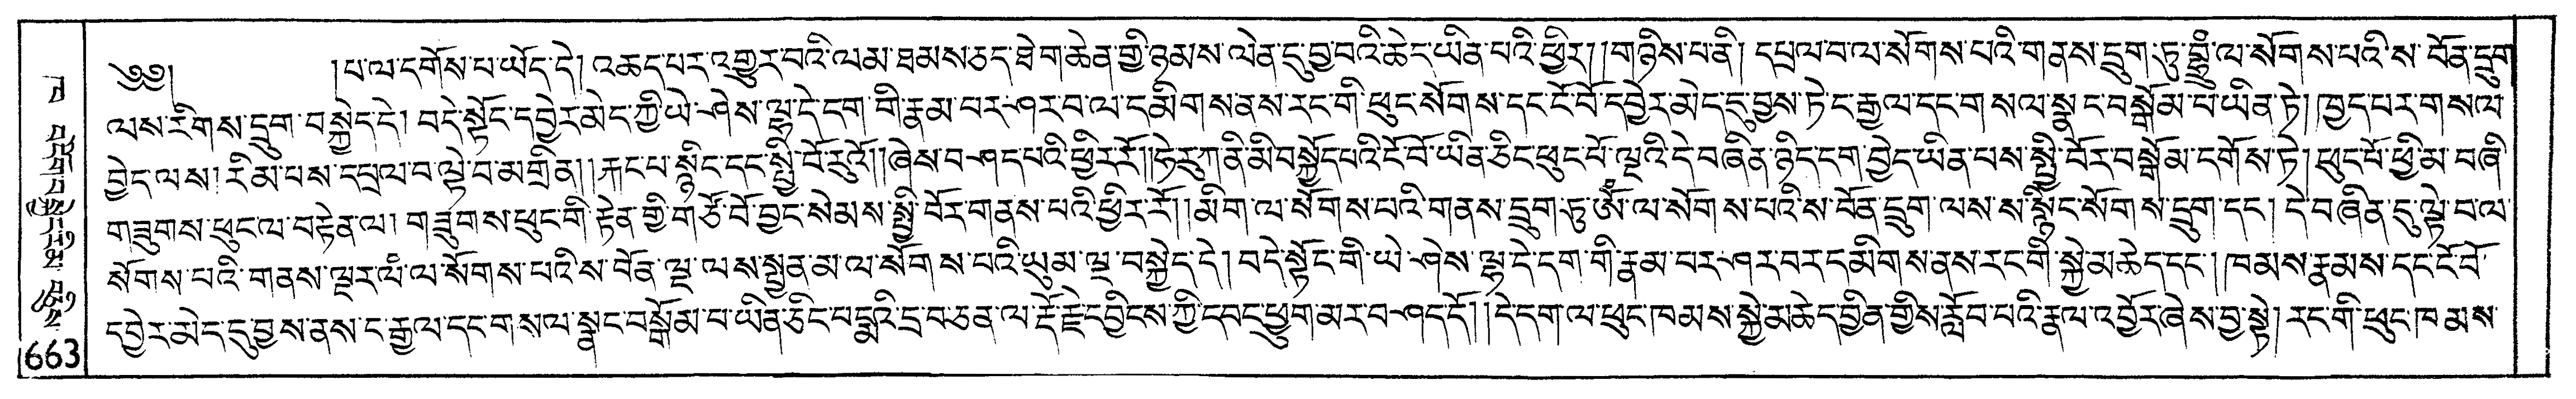༄༅། །པ་ལ་དགོས་པ་ཡོད་དེ། འཆད་པར་འགྱུར་བའི་ལམ་ཐམས་ཅད་ཐེག་ཆེན་གྱི་ཉམས་ལེན་དུ་བྱ་བའི་ཆེད་ཡིན་པའི་ཕྱིར། །གཉིས་པ་ནི། དཔྲལ་བ་ལ་སོགས་པའི་གནས་དྲུག་ཏུ་བྷྲུཾ་ལ་སོགས་པའི་ས་བོན་དྲུག་
ལས་རིགས་དྲུག་བསྐྱེད་དེ། བདེ་སྟོང་དབྱེར་མེད་ཀྱི་ཡེ་ཤེས་ལྷ་དེ་དག་གི་རྣམ་པར་ཤར་བ་ལ་དམིགས་ནས་རང་གི་ཕུང་སོགས་དང་ངོ་བོ་དབྱེར་མེད་དུ་བྱས་ཏེ་ང་རྒྱལ་དང་གསལ་སྣང་བསྒོམ་པ་ཡིན་ཏེ། ཁྱད་པར་གསལ་
བྱེད་ལས། རིམ་པས་དཔྲལ་བ་ལྟེ་བ་མགྲིན། །རྐང་པ་སྙིང་དང་སྤྱི་བོ་རུའོ། །ཞེས་བཤད་པའི་ཕྱིར་རོ། །ཧེ་རུ་ཀ་ནི་མི་བསྐྱོད་པའི་ངོ་བོ་ཡིན་ཅིང་ཕུང་པོ་ལྔའི་དེ་བཞིན་ཉིད་དག་བྱེད་ཡིན་པས་སྤྱི་བོར་བསྒོམ་དགོས་ཏེ། ཕུང་པོ་ཕྱི་མ་བཞི་
གཟུགས་ཕུང་ལ་བརྟེན་ལ། གཟུགས་ཕུང་གི་རྟེན་གྱི་གཙོ་བོ་བྱང་སེམས་སྤྱི་བོར་གནས་པའི་ཕྱིར་རོ། །མིག་ལ་སོགས་པའི་གནས་དྲུག་ཏུ་ཨོཾ་ལ་སོགས་པའི་ས་བོན་དྲུག་ལས་ས་སྙིང་སོགས་དྲུག་དང་། དེ་བཞིན་དུ་ལྟེ་བ་ལ་
སོགས་པའི་གནས་ལྔར་ལཾ་ལ་སོགས་པའི་ས་བོན་ལྔ་ལས་སྤྱན་མ་ལ་སོགས་པའི་ཡུམ་ལྔ་བསྐྱེད་དེ། བདེ་སྟོང་གི་ཡེ་ཤེས་ལྷ་དེ་དག་གི་རྣམ་པར་ཤར་བར་དམིགས་ནས་རང་གི་སྐྱེ་མཆེད་དང་། ཁམས་རྣམས་དང་ངོ་བོ་
དབྱེར་མེད་དུ་བྱས་ནས་ང་རྒྱལ་གསལ་སྣང་བསྒོམ་པ་ཡིན་ཅིང་པདམའི་དྲ་བ་ཅན་ལ་རྡོ་རྗེ་དབྱིངས་ཀྱི་དབང་ཕྱུག་མར་བཤད་དོ། །དེ་དག་ལ་ཕུང་ཁམས་སྐྱེ་མཆེད་བྱིན་གྱིས་རློབ་པའི་རྣལ་འབྱོར་ཞེས་བྱ་སྟེ། རང་གི་ཕུང་ཁམས་